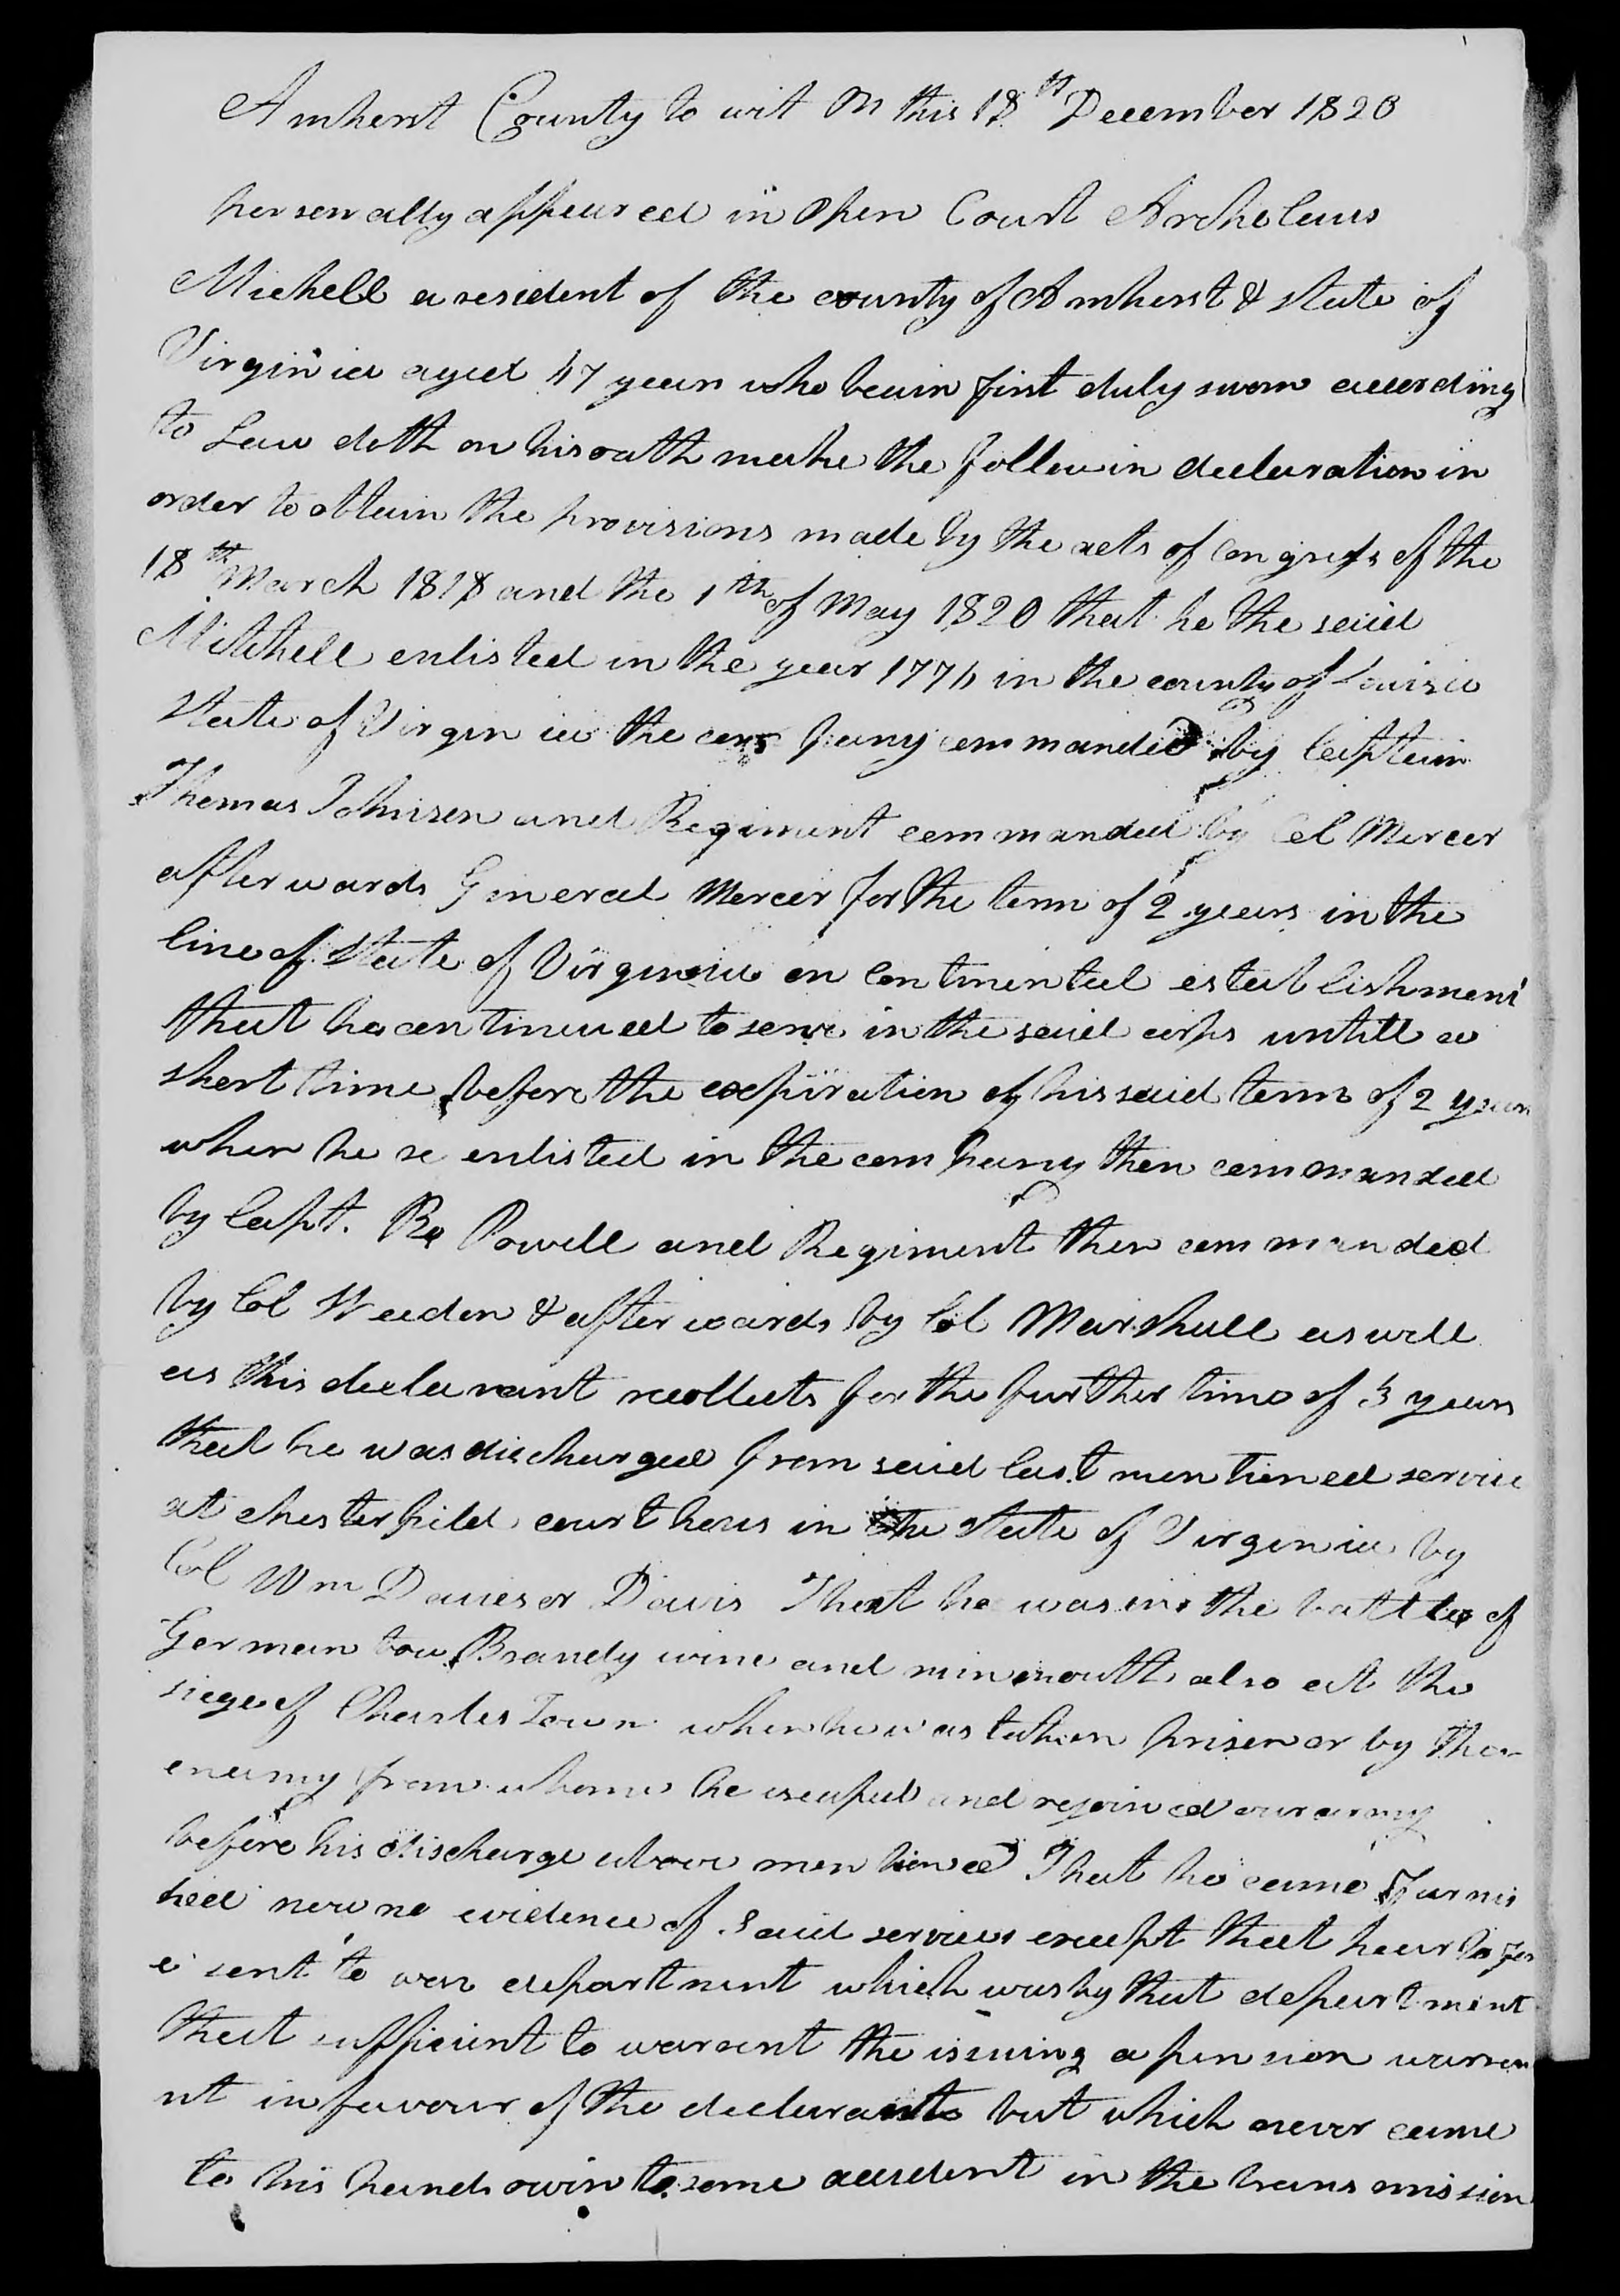Amherst County to wit 

On this 18ᵗʰ December 1828 personally appeared in Open court Archelaus Michell(sic) a resident of the county of Amherst & state of Virginia aged 67 years who beuin(sic) first duly sworn according to Law doth on his oath make the followin(sic) declaration in order to obtain the provisions made by the acts of congress of the 18ᵗʰ March 1818 and the 1ᵗʰ(sic) of May 1820 that he the said Mitchell enlisted in the year 1776 in the county of Henrico state of Virginia the company commanded by Captain Thomas  Johnsen(sic) and Regiment commanded by Col Mercer afterwards General Mercer for the term of 2 years in the line of state of Virginia on Continental establishment that he continued to serve in the said corps untill a short time before the expiration of his said term of 2 years when he re enlisted on the company then commanded by Capt. B. Powell and Regiment then commanded by Col Weeden & afterwards by Col Marshall as well as this declarant recollects for the further time of 3 years that he was discharged from said last mentioned service at chesterfield court hous(sic) in the state of Virginia by Col Wm Davies or Davis That he was in the battle of German ton(sic) Brandy wine and minmouth(sic) also at the siege of Charleston when he was taken prisoner by the enemy from whom he escaped and rejoined our army before his discharge above mentioned That he came [illegible] new no(sic) evidence of said service except that [illegible] sent to war department which was by that department that sufficient to warant(sic) the issuing a pension warrant in favour of the declarant but which never came to his hand owin(sic) to some accident in the transmission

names: Archelaus Michell; Wm Davis; Wm Davies; [BLANK] Marshall; Ro Powell; [BLANK] Weeden; [BLANK] Mercer; Thomas Johnson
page: 7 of 23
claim: survivor's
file: S. 38226, for Archelaus Mitchell, Virginia